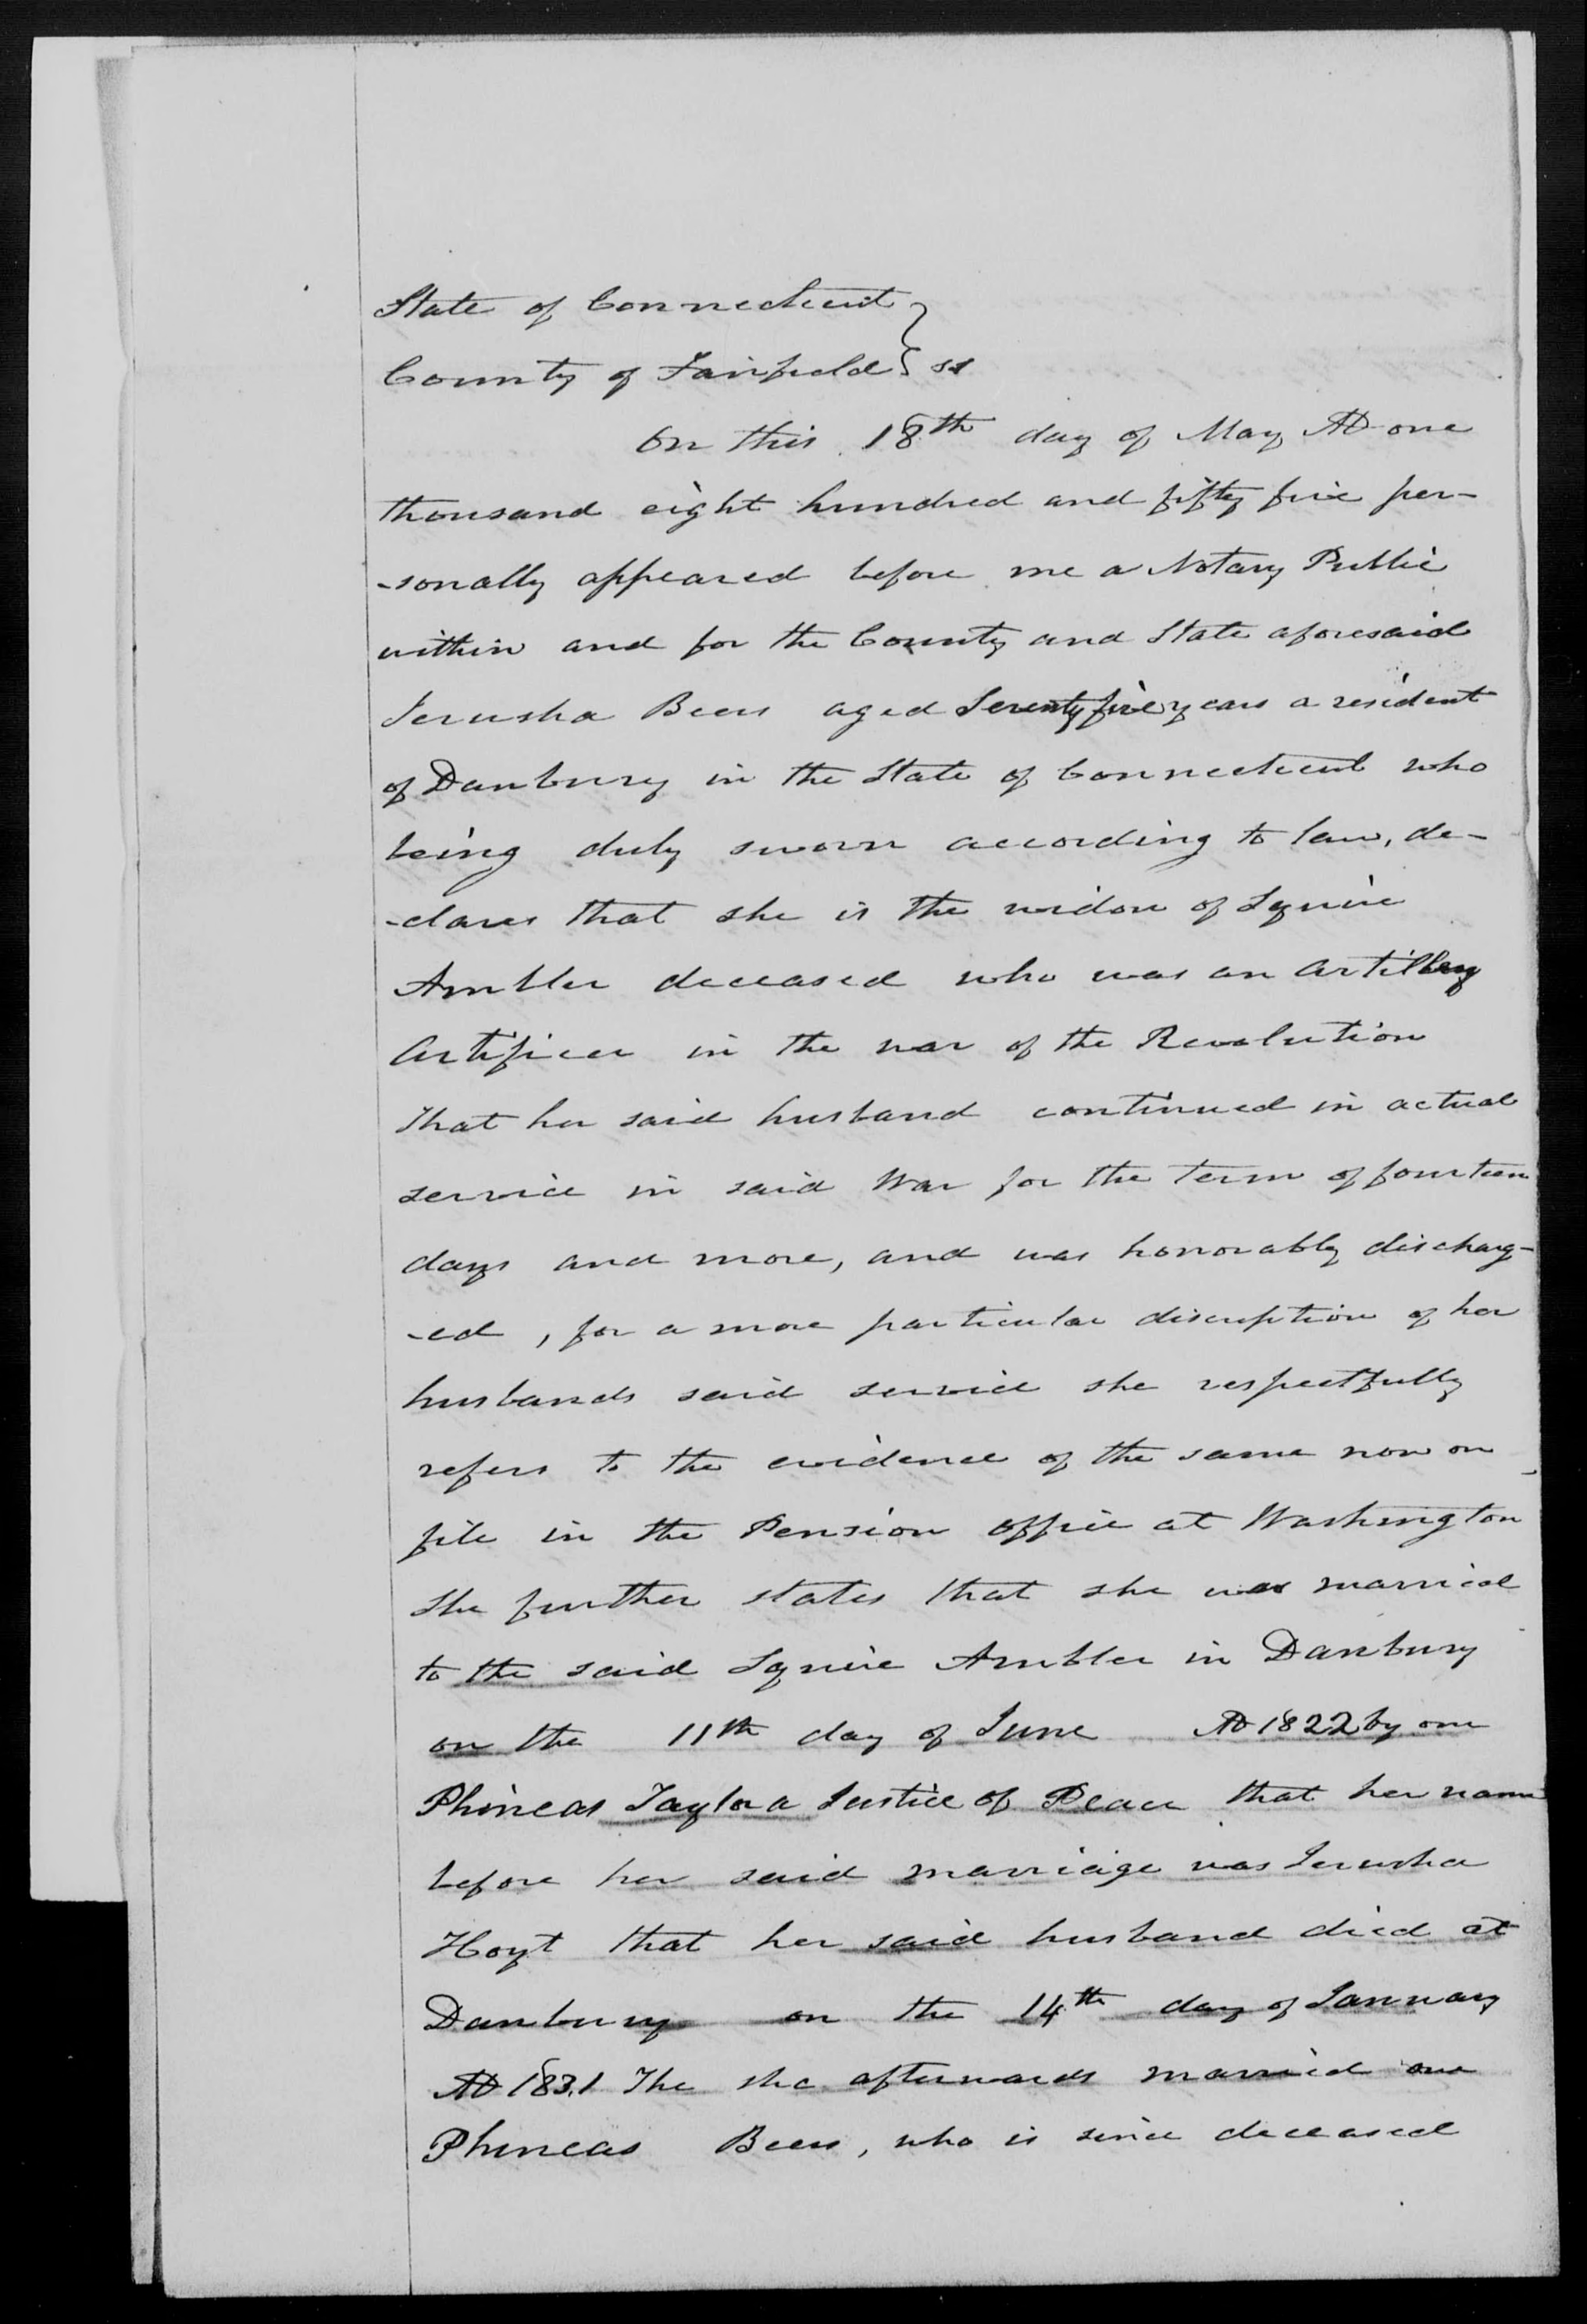State of Connecticut
County of Fairfield ss
On this 18th day of May AD one thousand eight hundred and fifty five personally appeared before me a Notary Public within and for the County and State aforesaid Jerusha Beers aged seventy five years a resident of Danbury in the State of Connecticut who being duly sworn according to law, declares that she is the widow of Squire Ambler deceased who was an artillery artificer in the war of the Revolution that her said husband continued in actual service in said war for the term of fourteen days and more, and was honorably discharged, for a more particular description of her husbands said service she respectfully refers to the evidence of the same now on file in the Pension office at Washington. She further states that she was married to the said Squire Ambler in Danbury on the 11th day of June AD 1822 by one Phineas Taylor a Justice of Peace that her name before her said marriage was Jerusha Hoyt that her said husband died at Danbury on the 14th day of January AD 1831 The [then] she afterwards married one Phineas Beers, who is since deceased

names: Jerusha Hoyt, Squire Ambler, Phineas Beers, Squire Ambler, Jerusha Beers, Phineas Taylor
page: 26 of 39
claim: widow's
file: W. 2,056, Squire Ambler, Continental (Sol. Res. In N.Y. & Conn.)